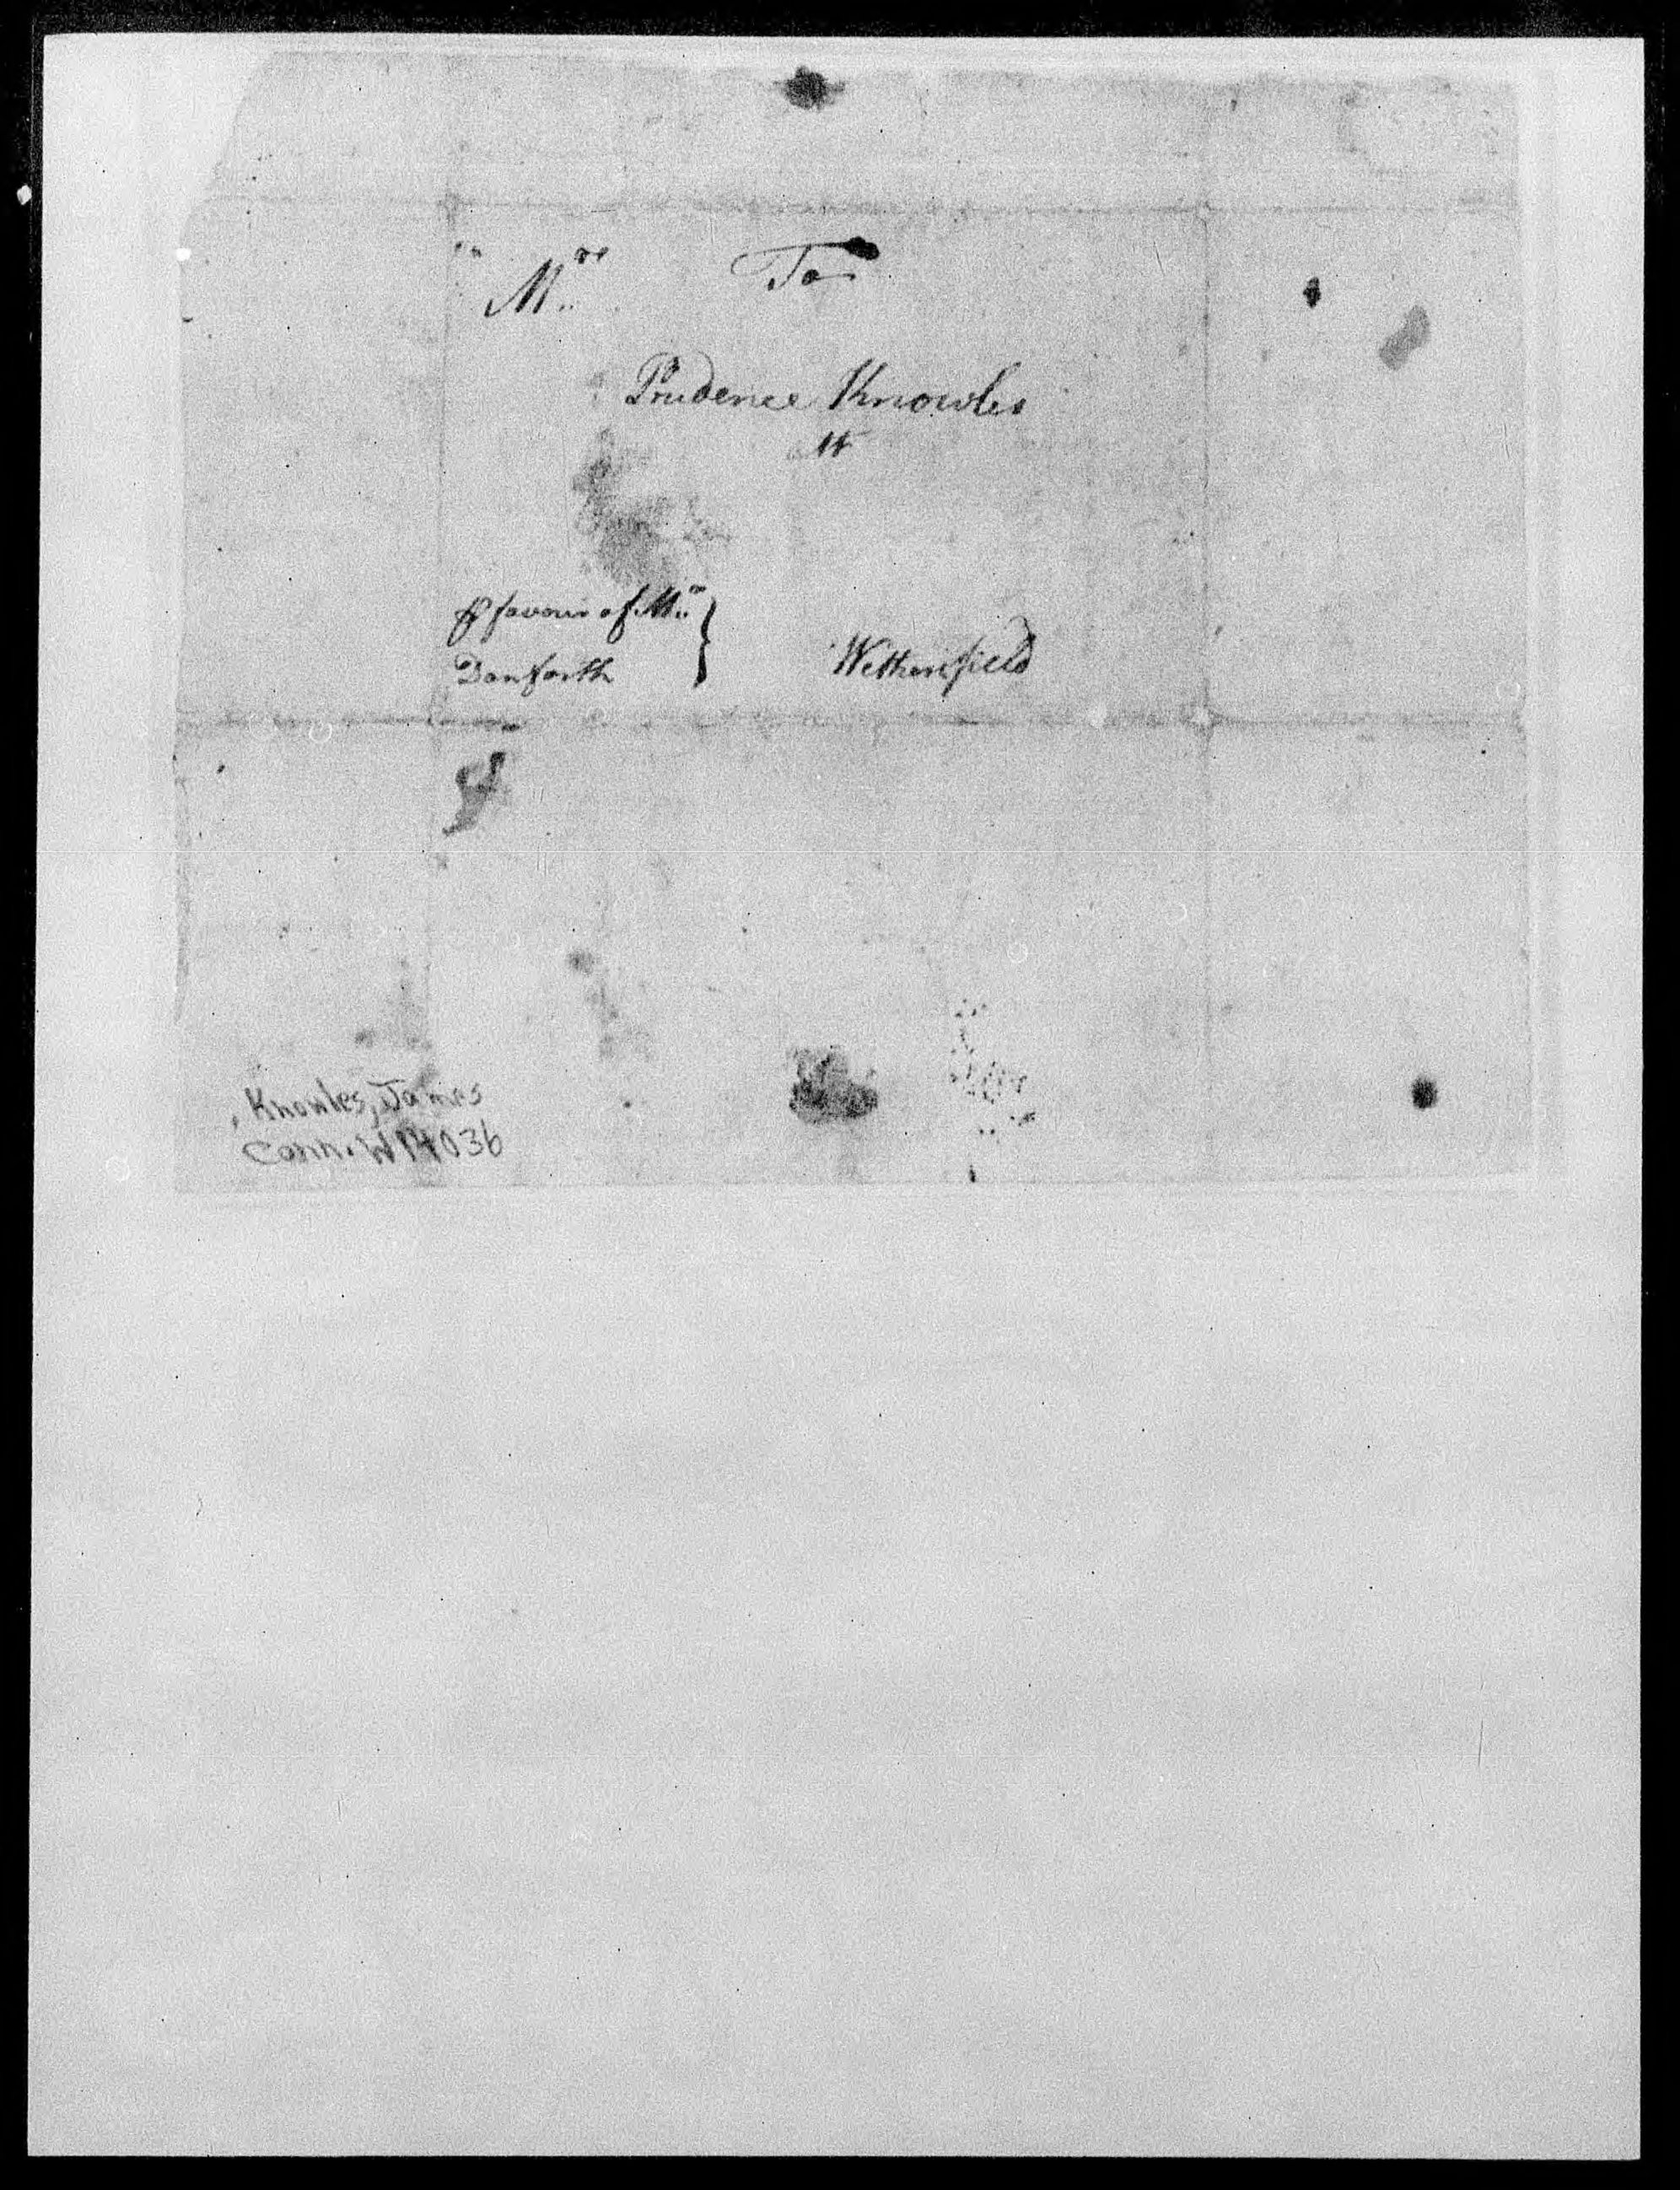Mrs...  To
Prudence Knowles
att

(?) favours of Mrs.}
Danforth}                    Wethersfield




Knowles, James
Conn. W 14036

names: Prudence Knowles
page: 18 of 60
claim: widow's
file: W. 14,036, for James Knowles, Connecticut